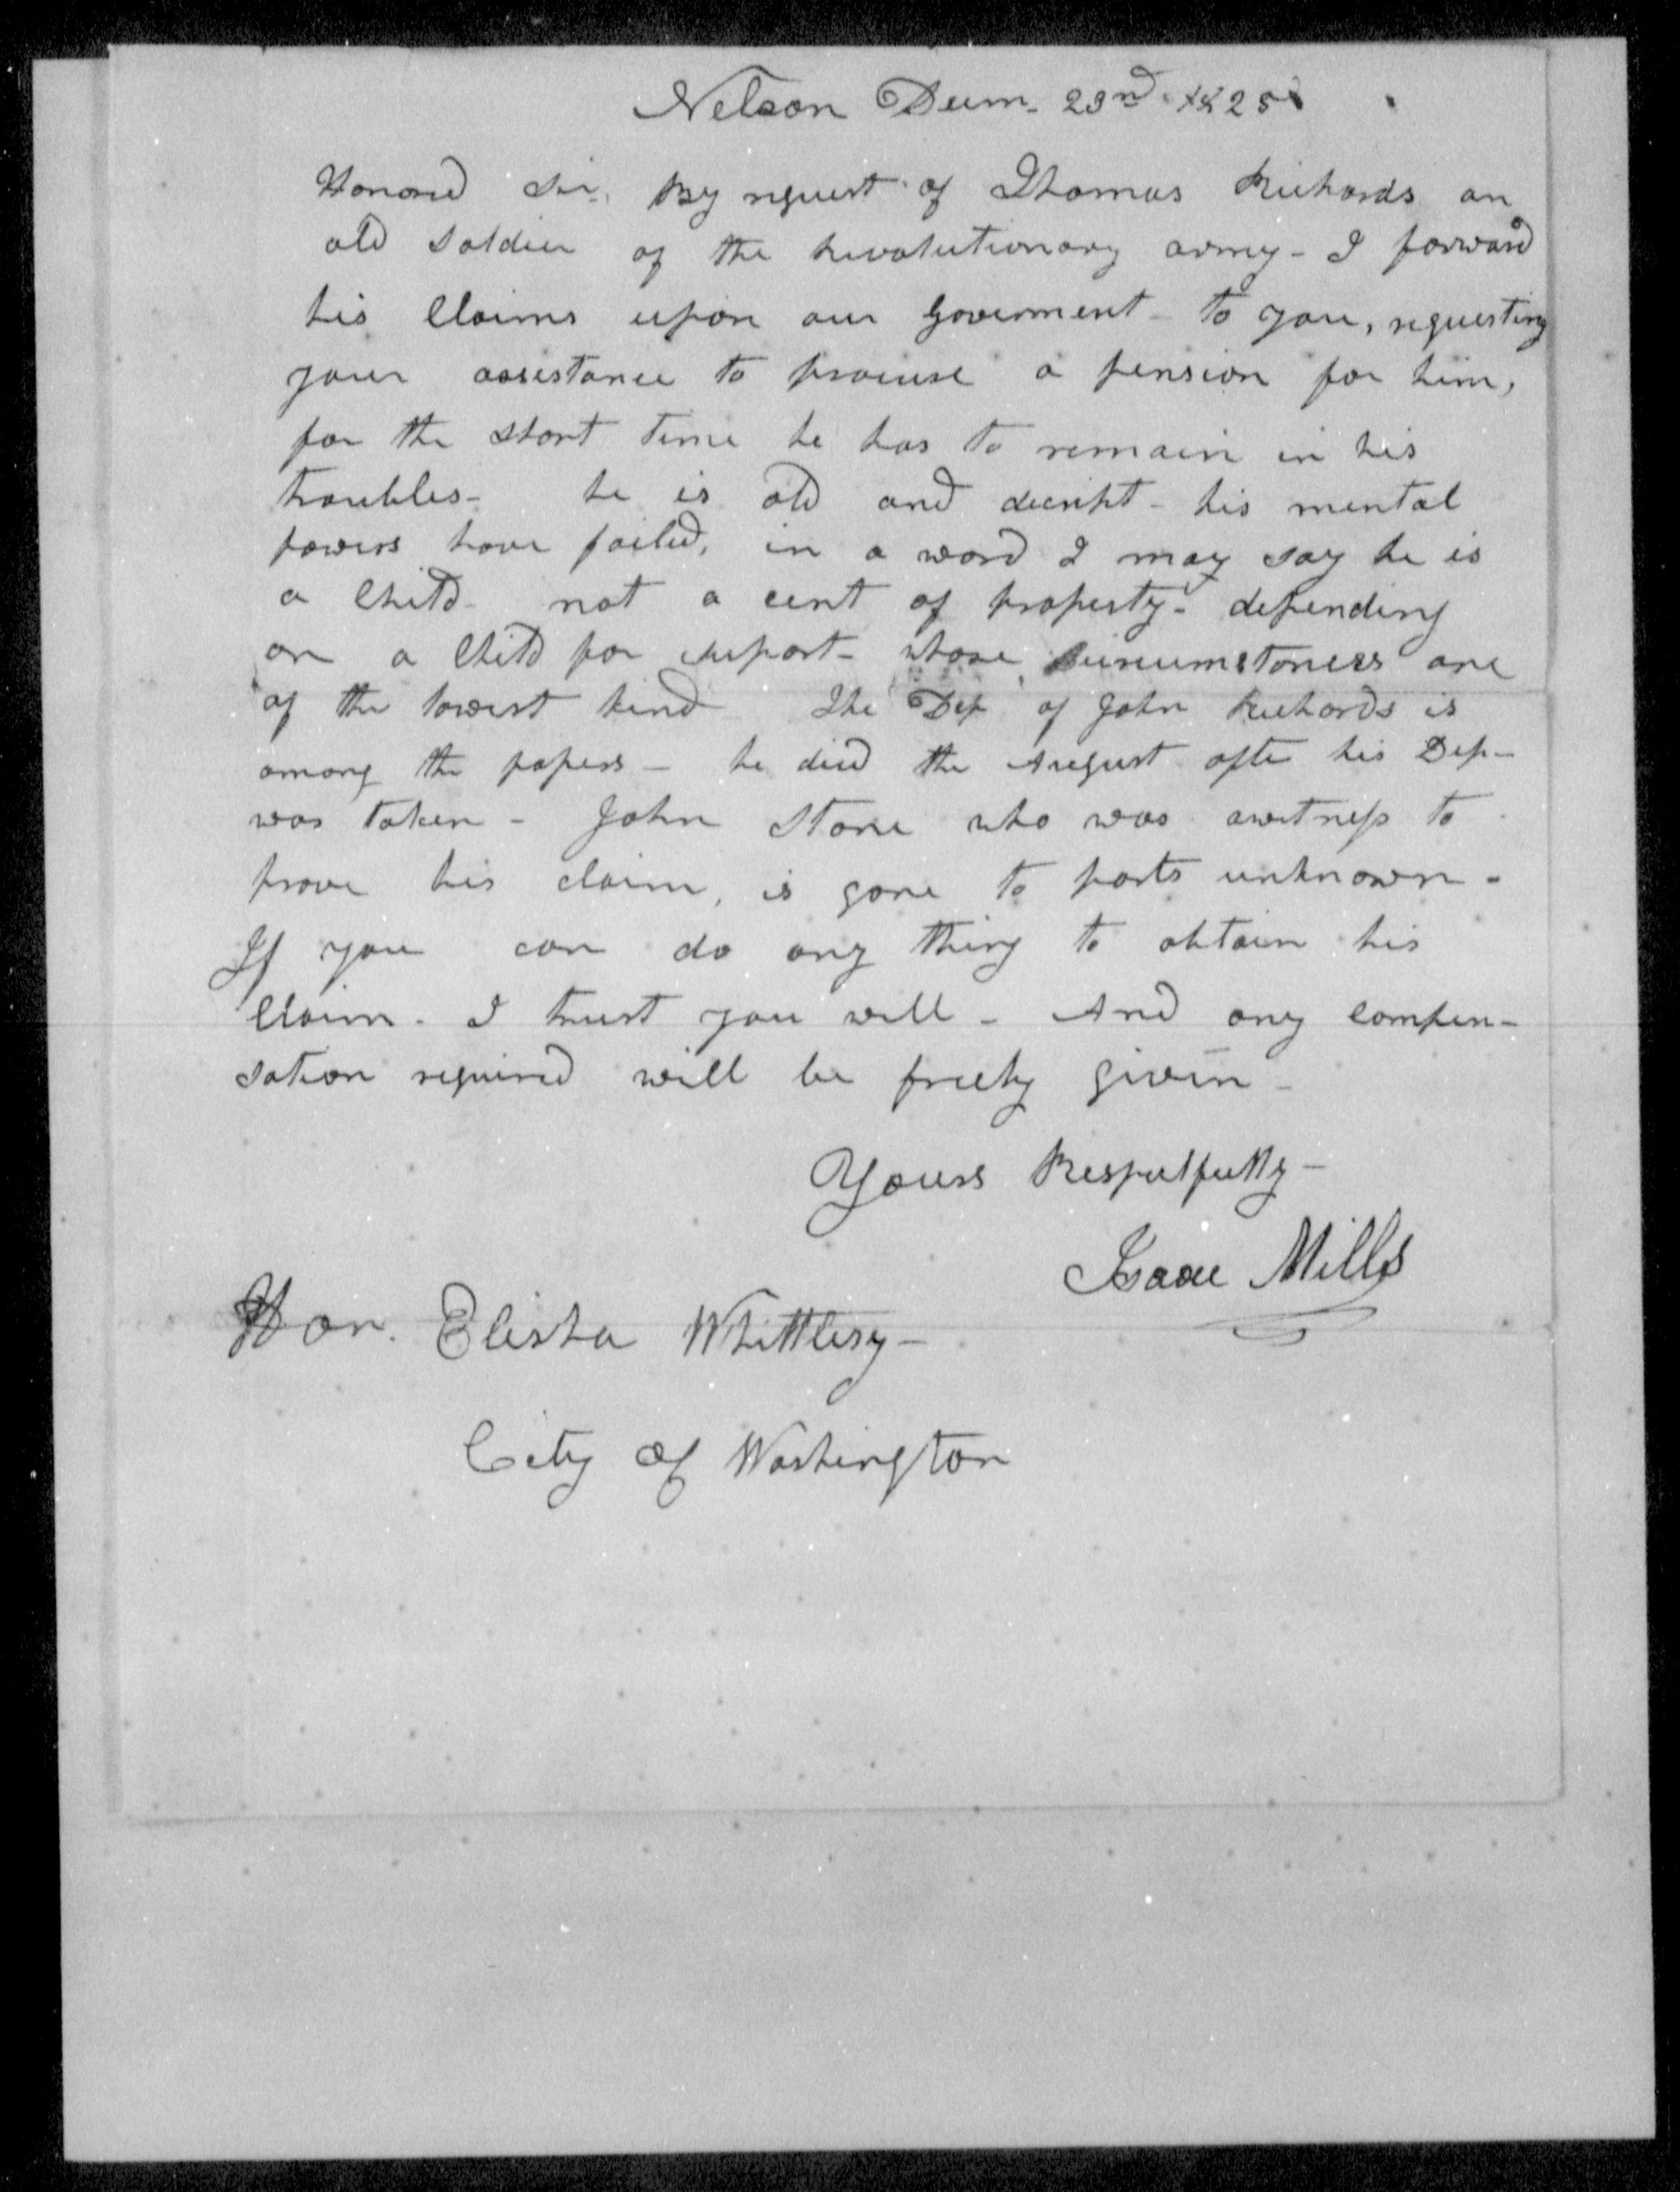Nelson Dun 23rd 1825
Honored Sir, By request of Thomas Richards an
old soldier of the revolutionary army-- I forward his claims upon our Government-- to you, requesting your assistance to procure a pension for him, for the short time he has to remain in his troubles - he is old and decrepit - his mental powers have failed, in a word I may say he is a child - not a cent of property -depending on a child for suport [SUPPORT] -whose circumstances are of the lowest kind
The Dep [DEPOSITION] of John Richards is
among the papers-- he died the August after his Deposition was taken - John Stone who was a witness to prove his claim, is gone to parts unknown - If you can do any thing [sic] to obtain his claim I trust you will-- And any compensation required will be freely given-
Yours Respectfully
Isaac Mills
Hon. [HONORABLE] Elisha Whittlesey
City of Washington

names: Thomas Richards; John Stone; Elisha Whittlesy; John Richards; Isaac Mills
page: 89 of 109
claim: widow's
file: W. 5709, for Thomas Richards, New Hampshire